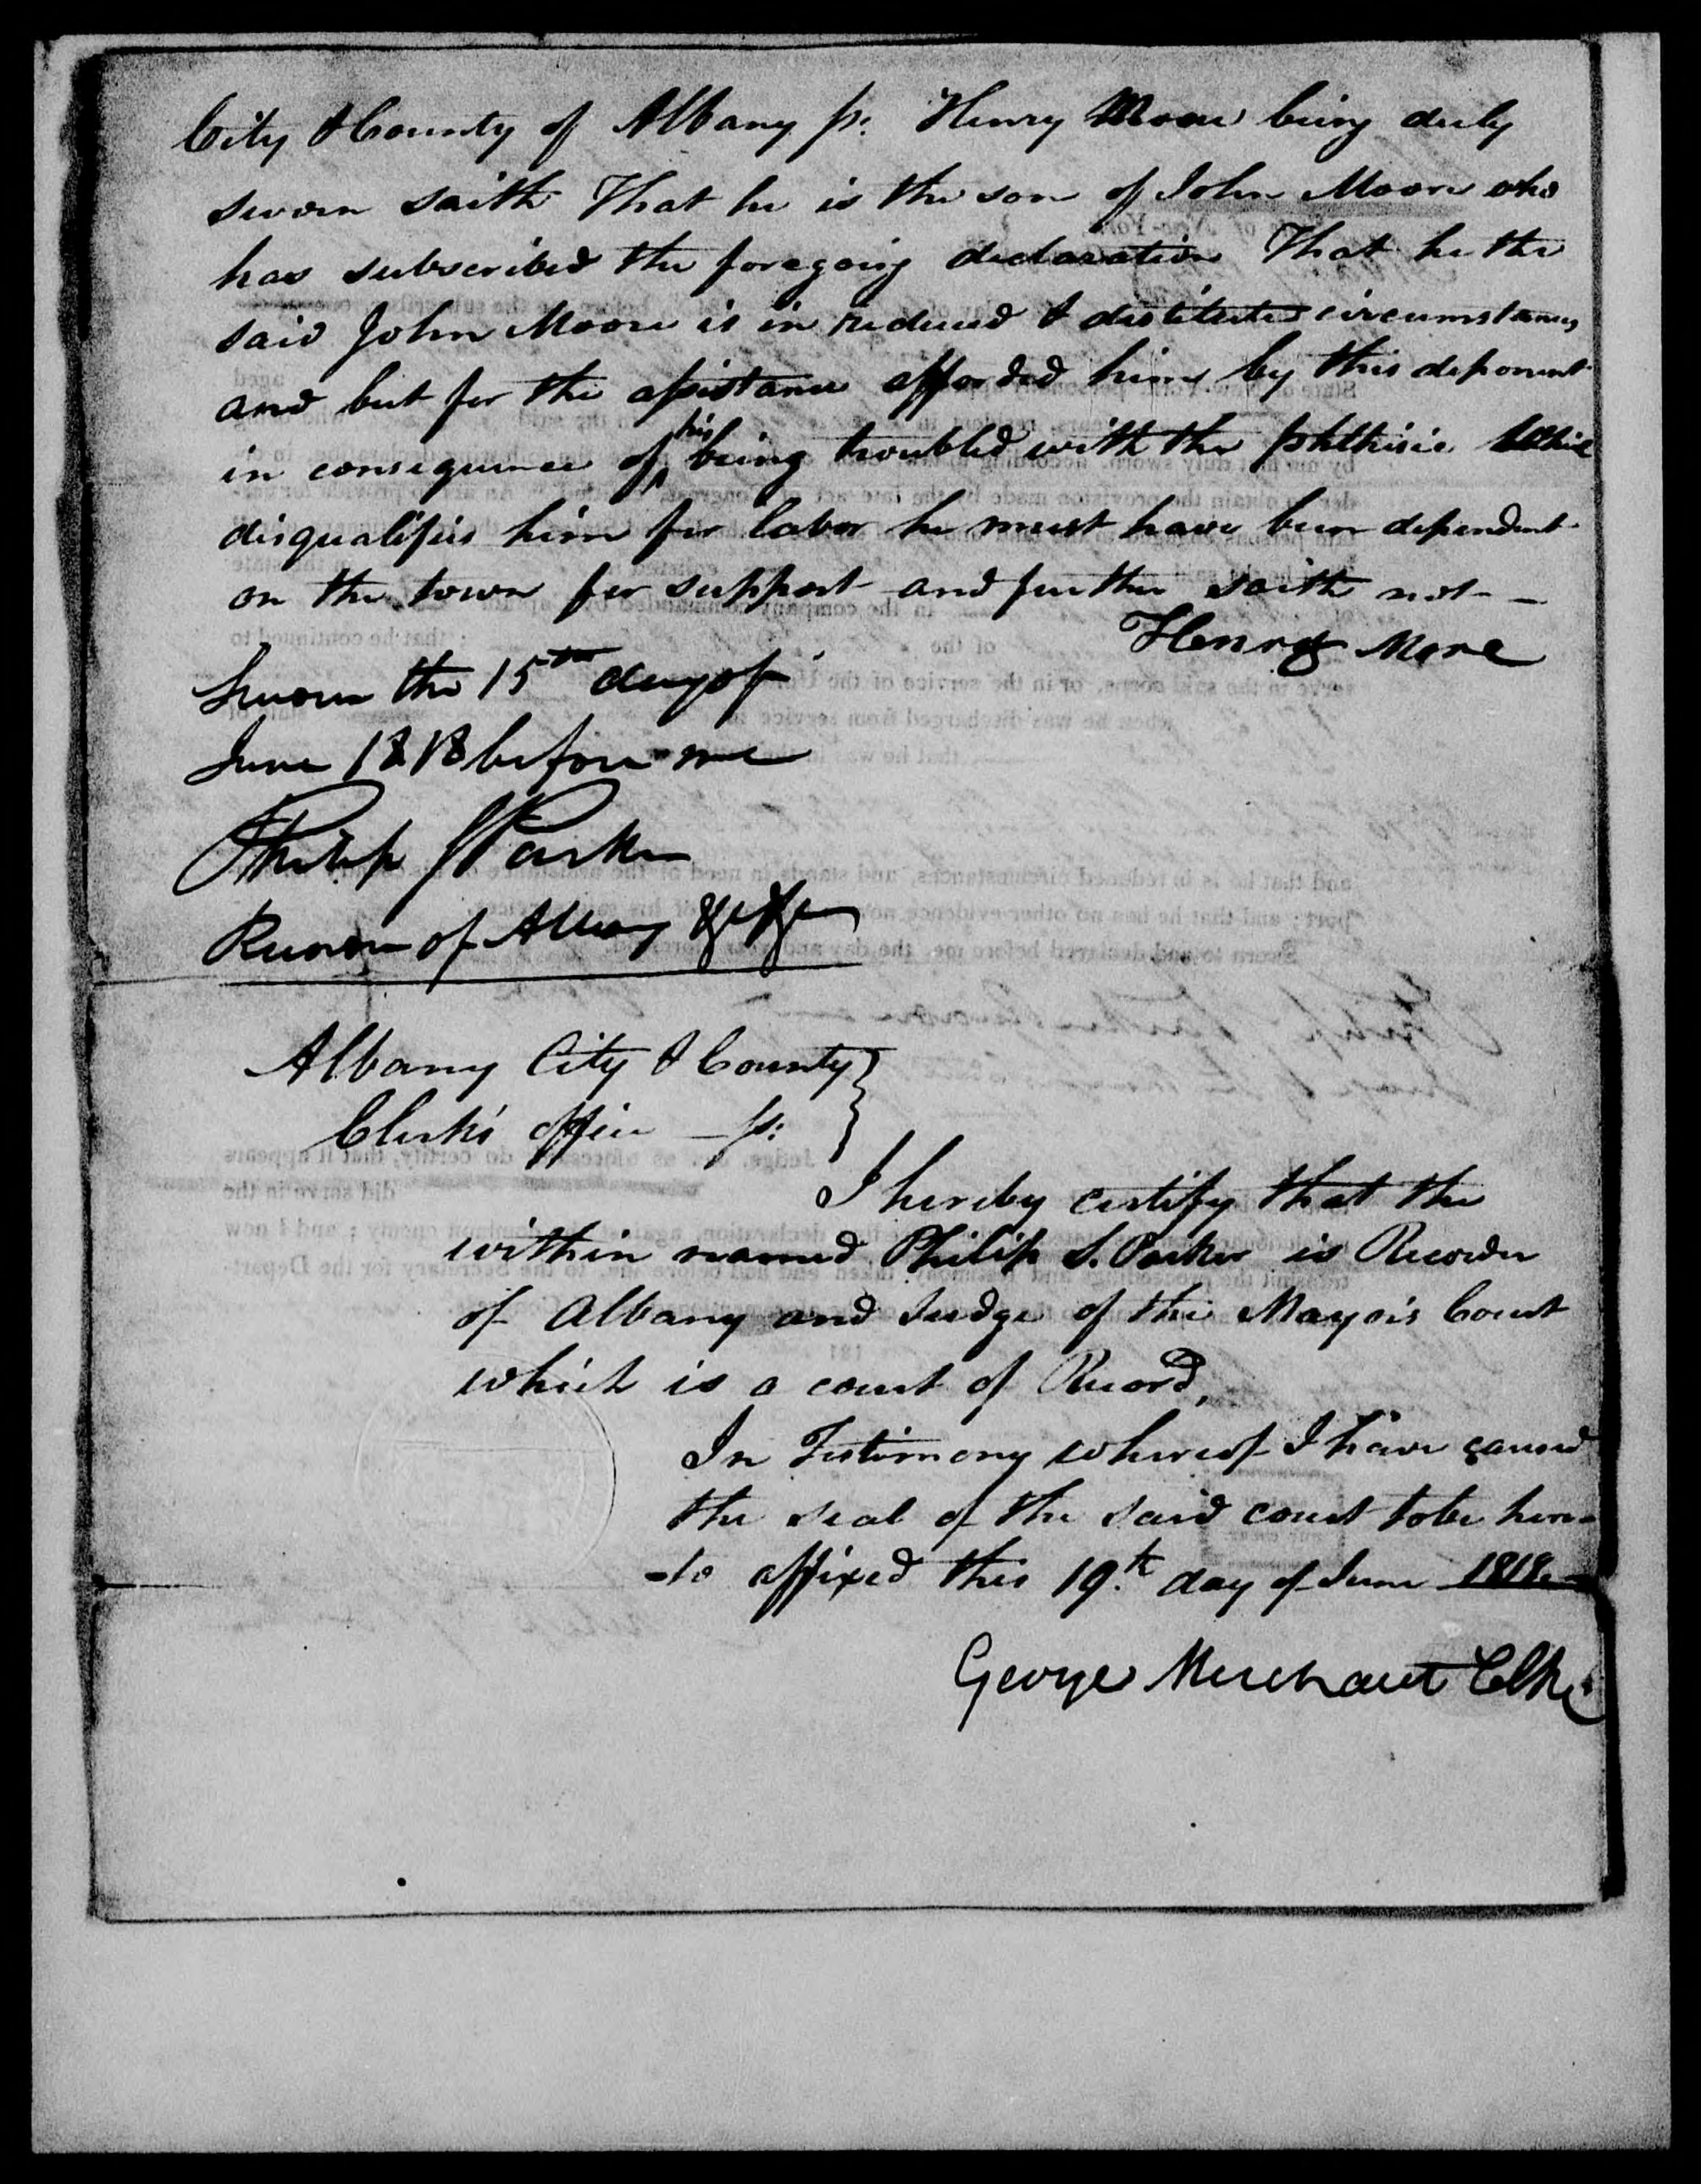City & County of Albany Ss.  Henry Moore being duly sworn saith that he is the son of John Moore who has subscribed the foregoing declaration that he the said John Moore is in reduced & destitute circumstances and but for the assistance afforded him by this deponent in consequence of his being troubled with the phthisic which disqualifies him for labor he must have been dependent on the town for support and further saith not 
[signed] Henry More
Sworn the 15th day of June 1818 before me 
[signed] Philip Parker Recorder of Albany &c &c

Albany City & County 
Clerks office ss }
I hereby certify that the within named Philip S. Parker is Recorder of Albany and Judge of the Mayor's Court which is a court of Record 
In Testimony whereof I have caused the seal of the said Court to be hereto affixed this 19th day of June 1818 
[signed] George Merchant  Clk.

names: Henry More; John Moore; Henry Moore; George Merchant; Philip S Parker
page: 8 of 15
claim: survivor's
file: S. 43029, for John Moore, New York